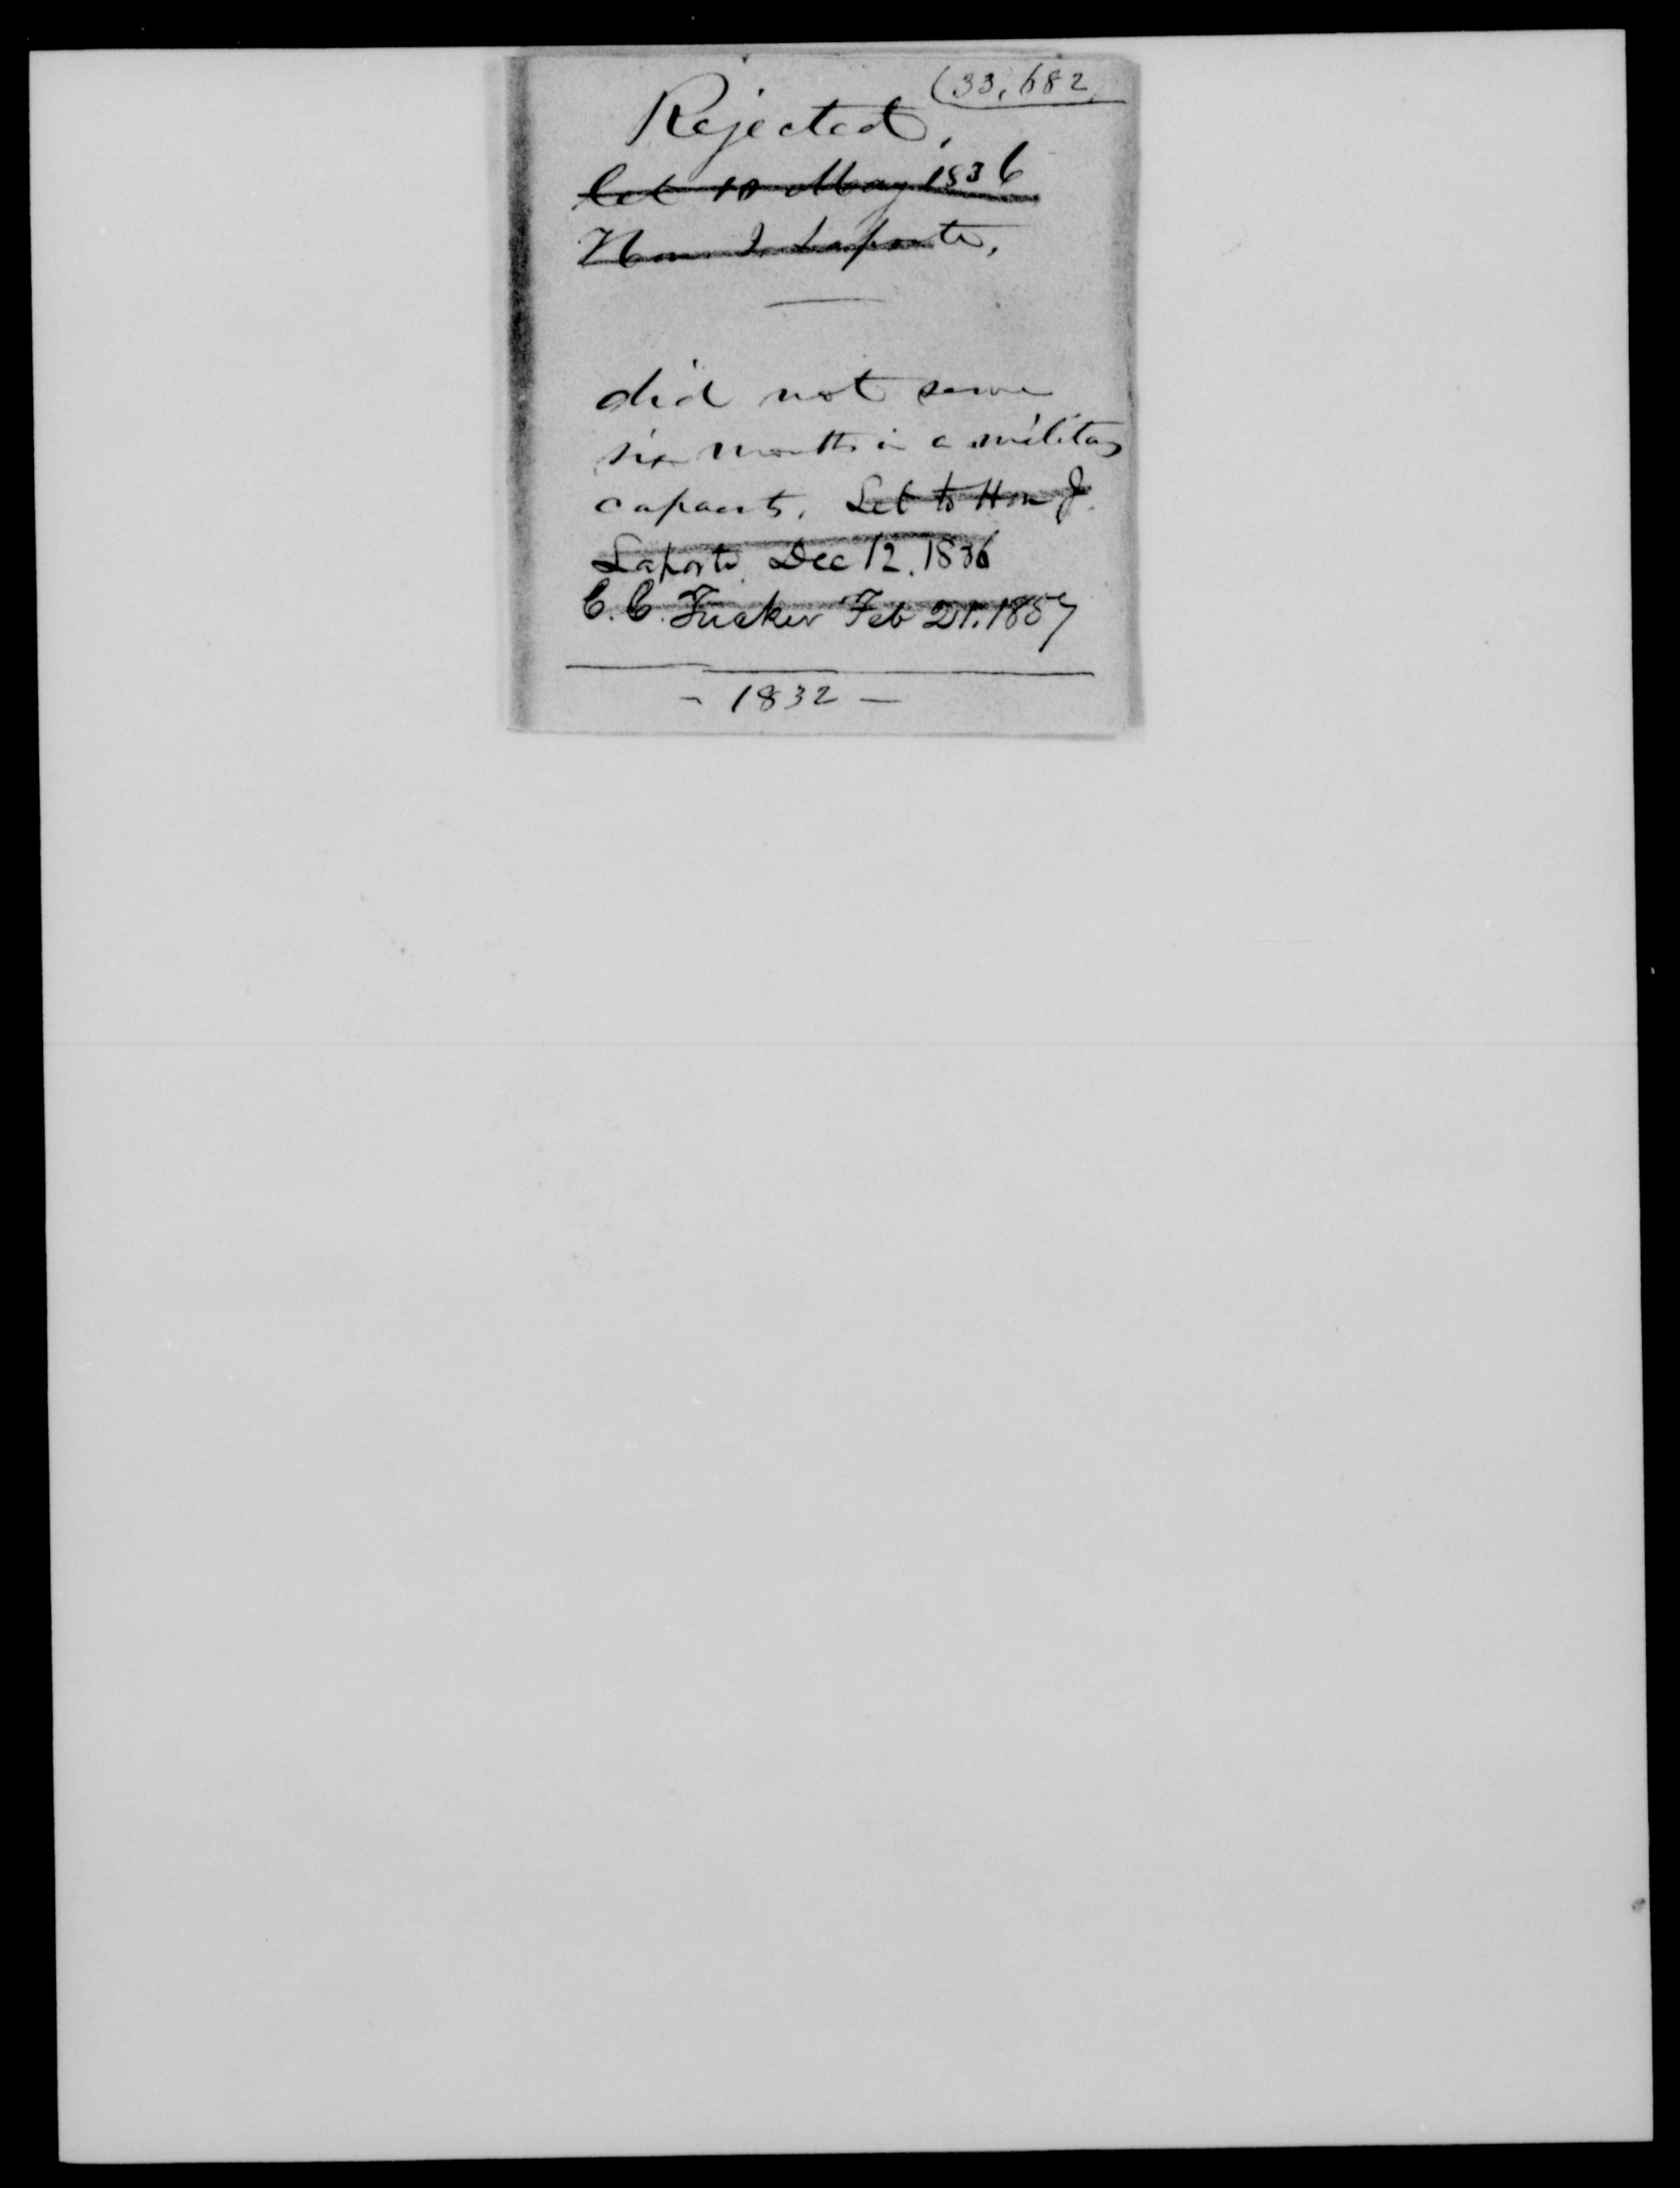33, 682

    Rejected

[next two lines crossed out]
let 10 May 
Name J. Laporte

did not serve 
six months in a military 
capacity.   [Crossed out the following information]  Let to Hon J 
Laporte Dec 12, 1836
 C.C. Tucker Feb 21, 1857
________________________________
                    1832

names: C C Tucker; J Laporte; J Laporte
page: 14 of 29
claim: rejected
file: R. 9570, for Jabez Sill, Connecticut